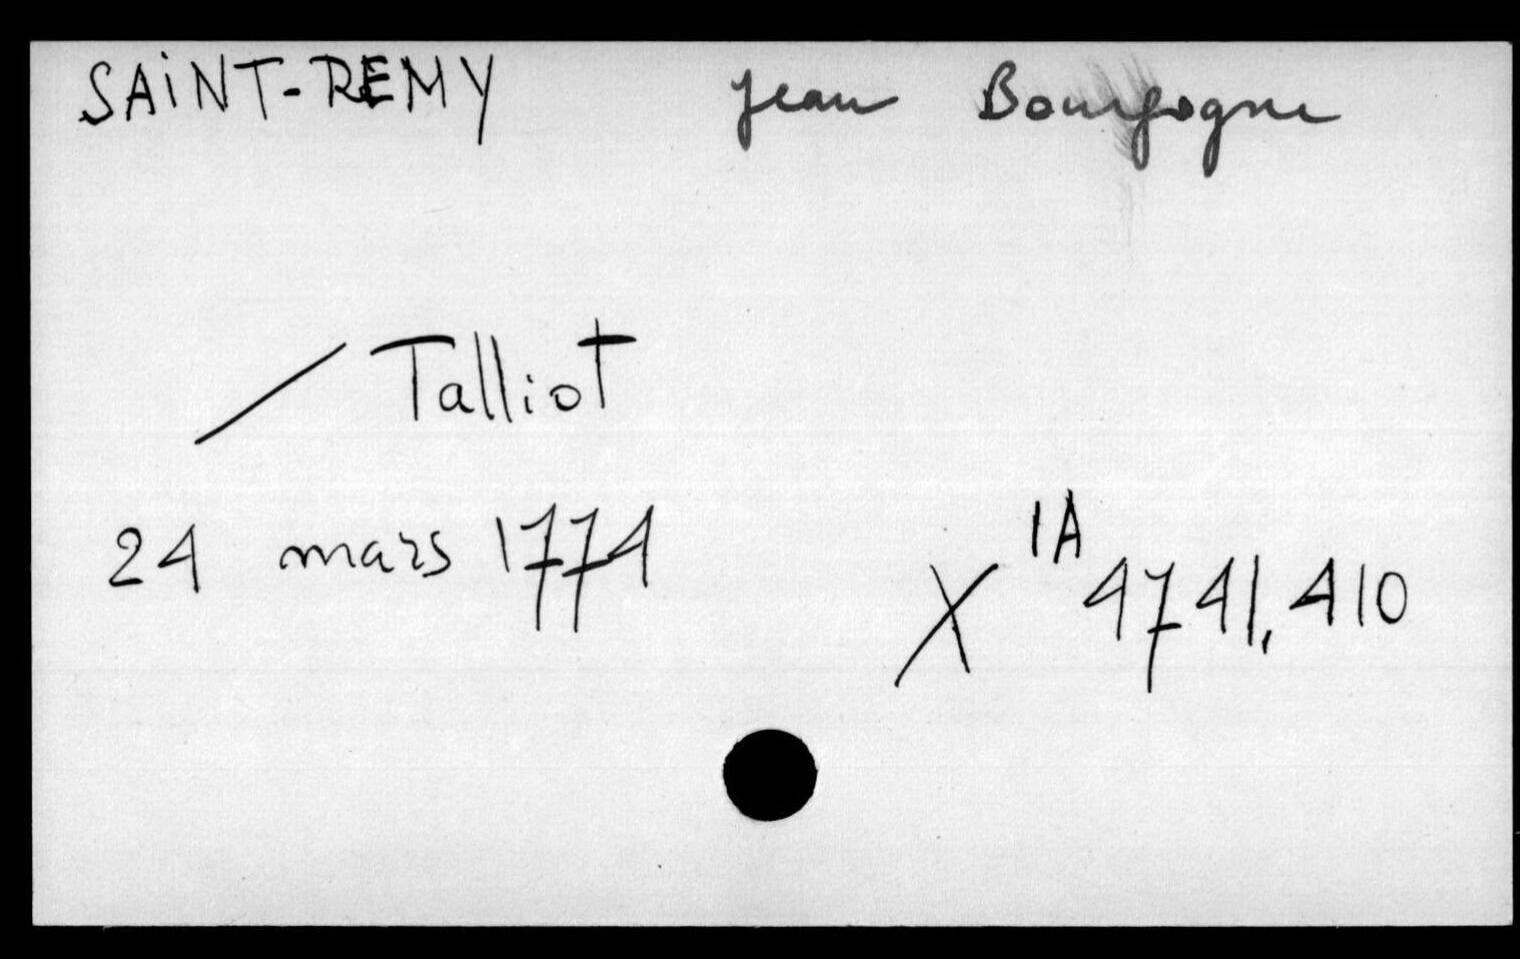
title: SAINT-REMY Jean Bourgogne
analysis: Contre Talliot
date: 24 mars 1774
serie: X1A
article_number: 4741
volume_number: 410
